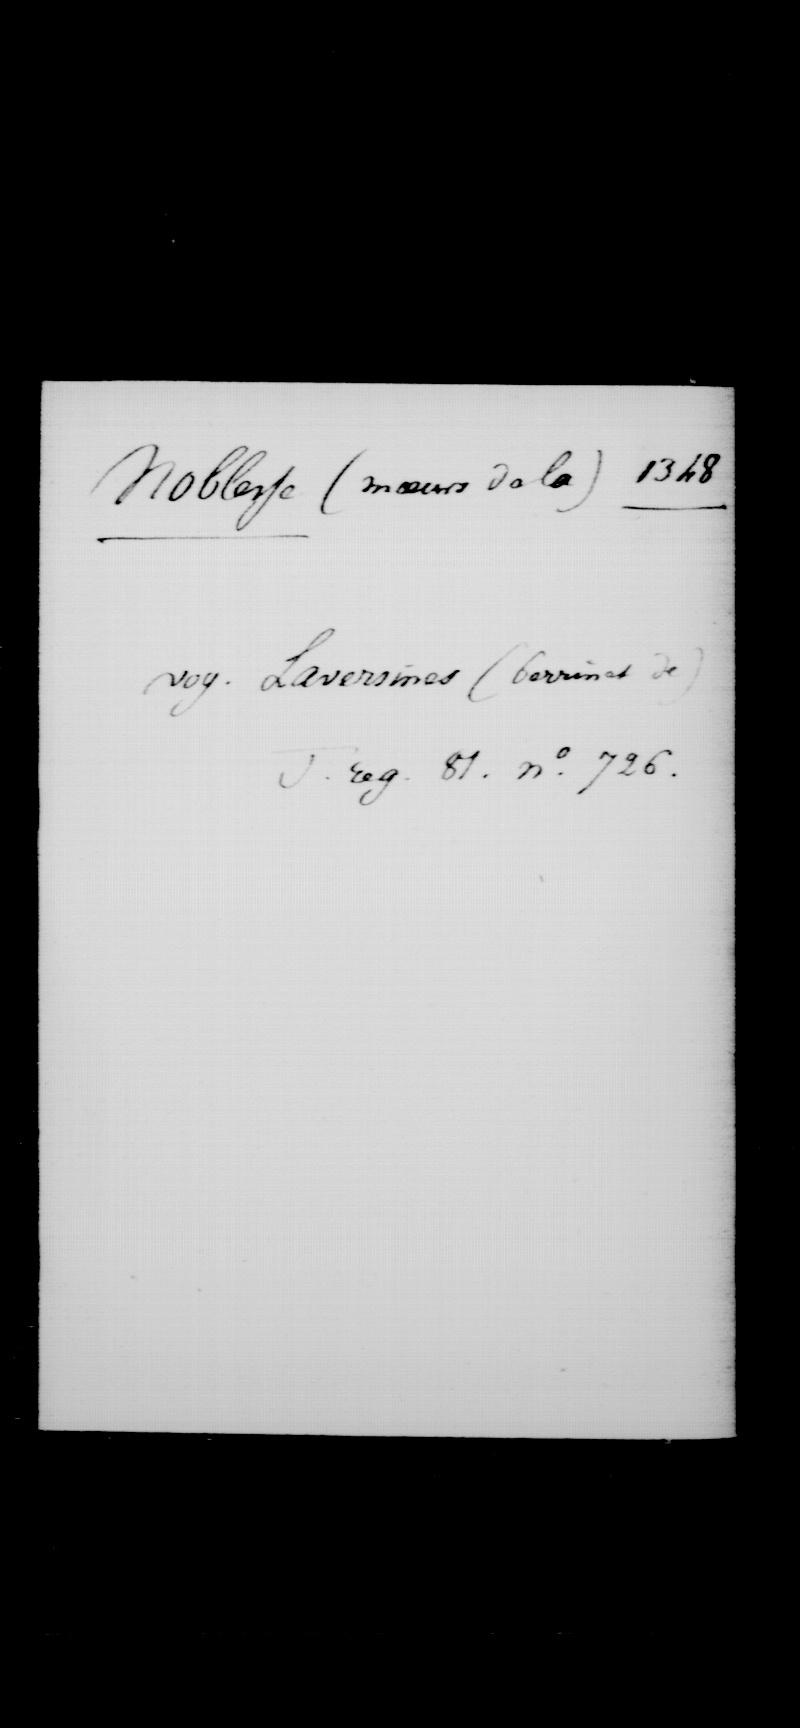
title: Noblesfe (moeurs de la)
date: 1348
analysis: Voir Laversines (Perrinet de)
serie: J
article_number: reg 81
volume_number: n° 726
